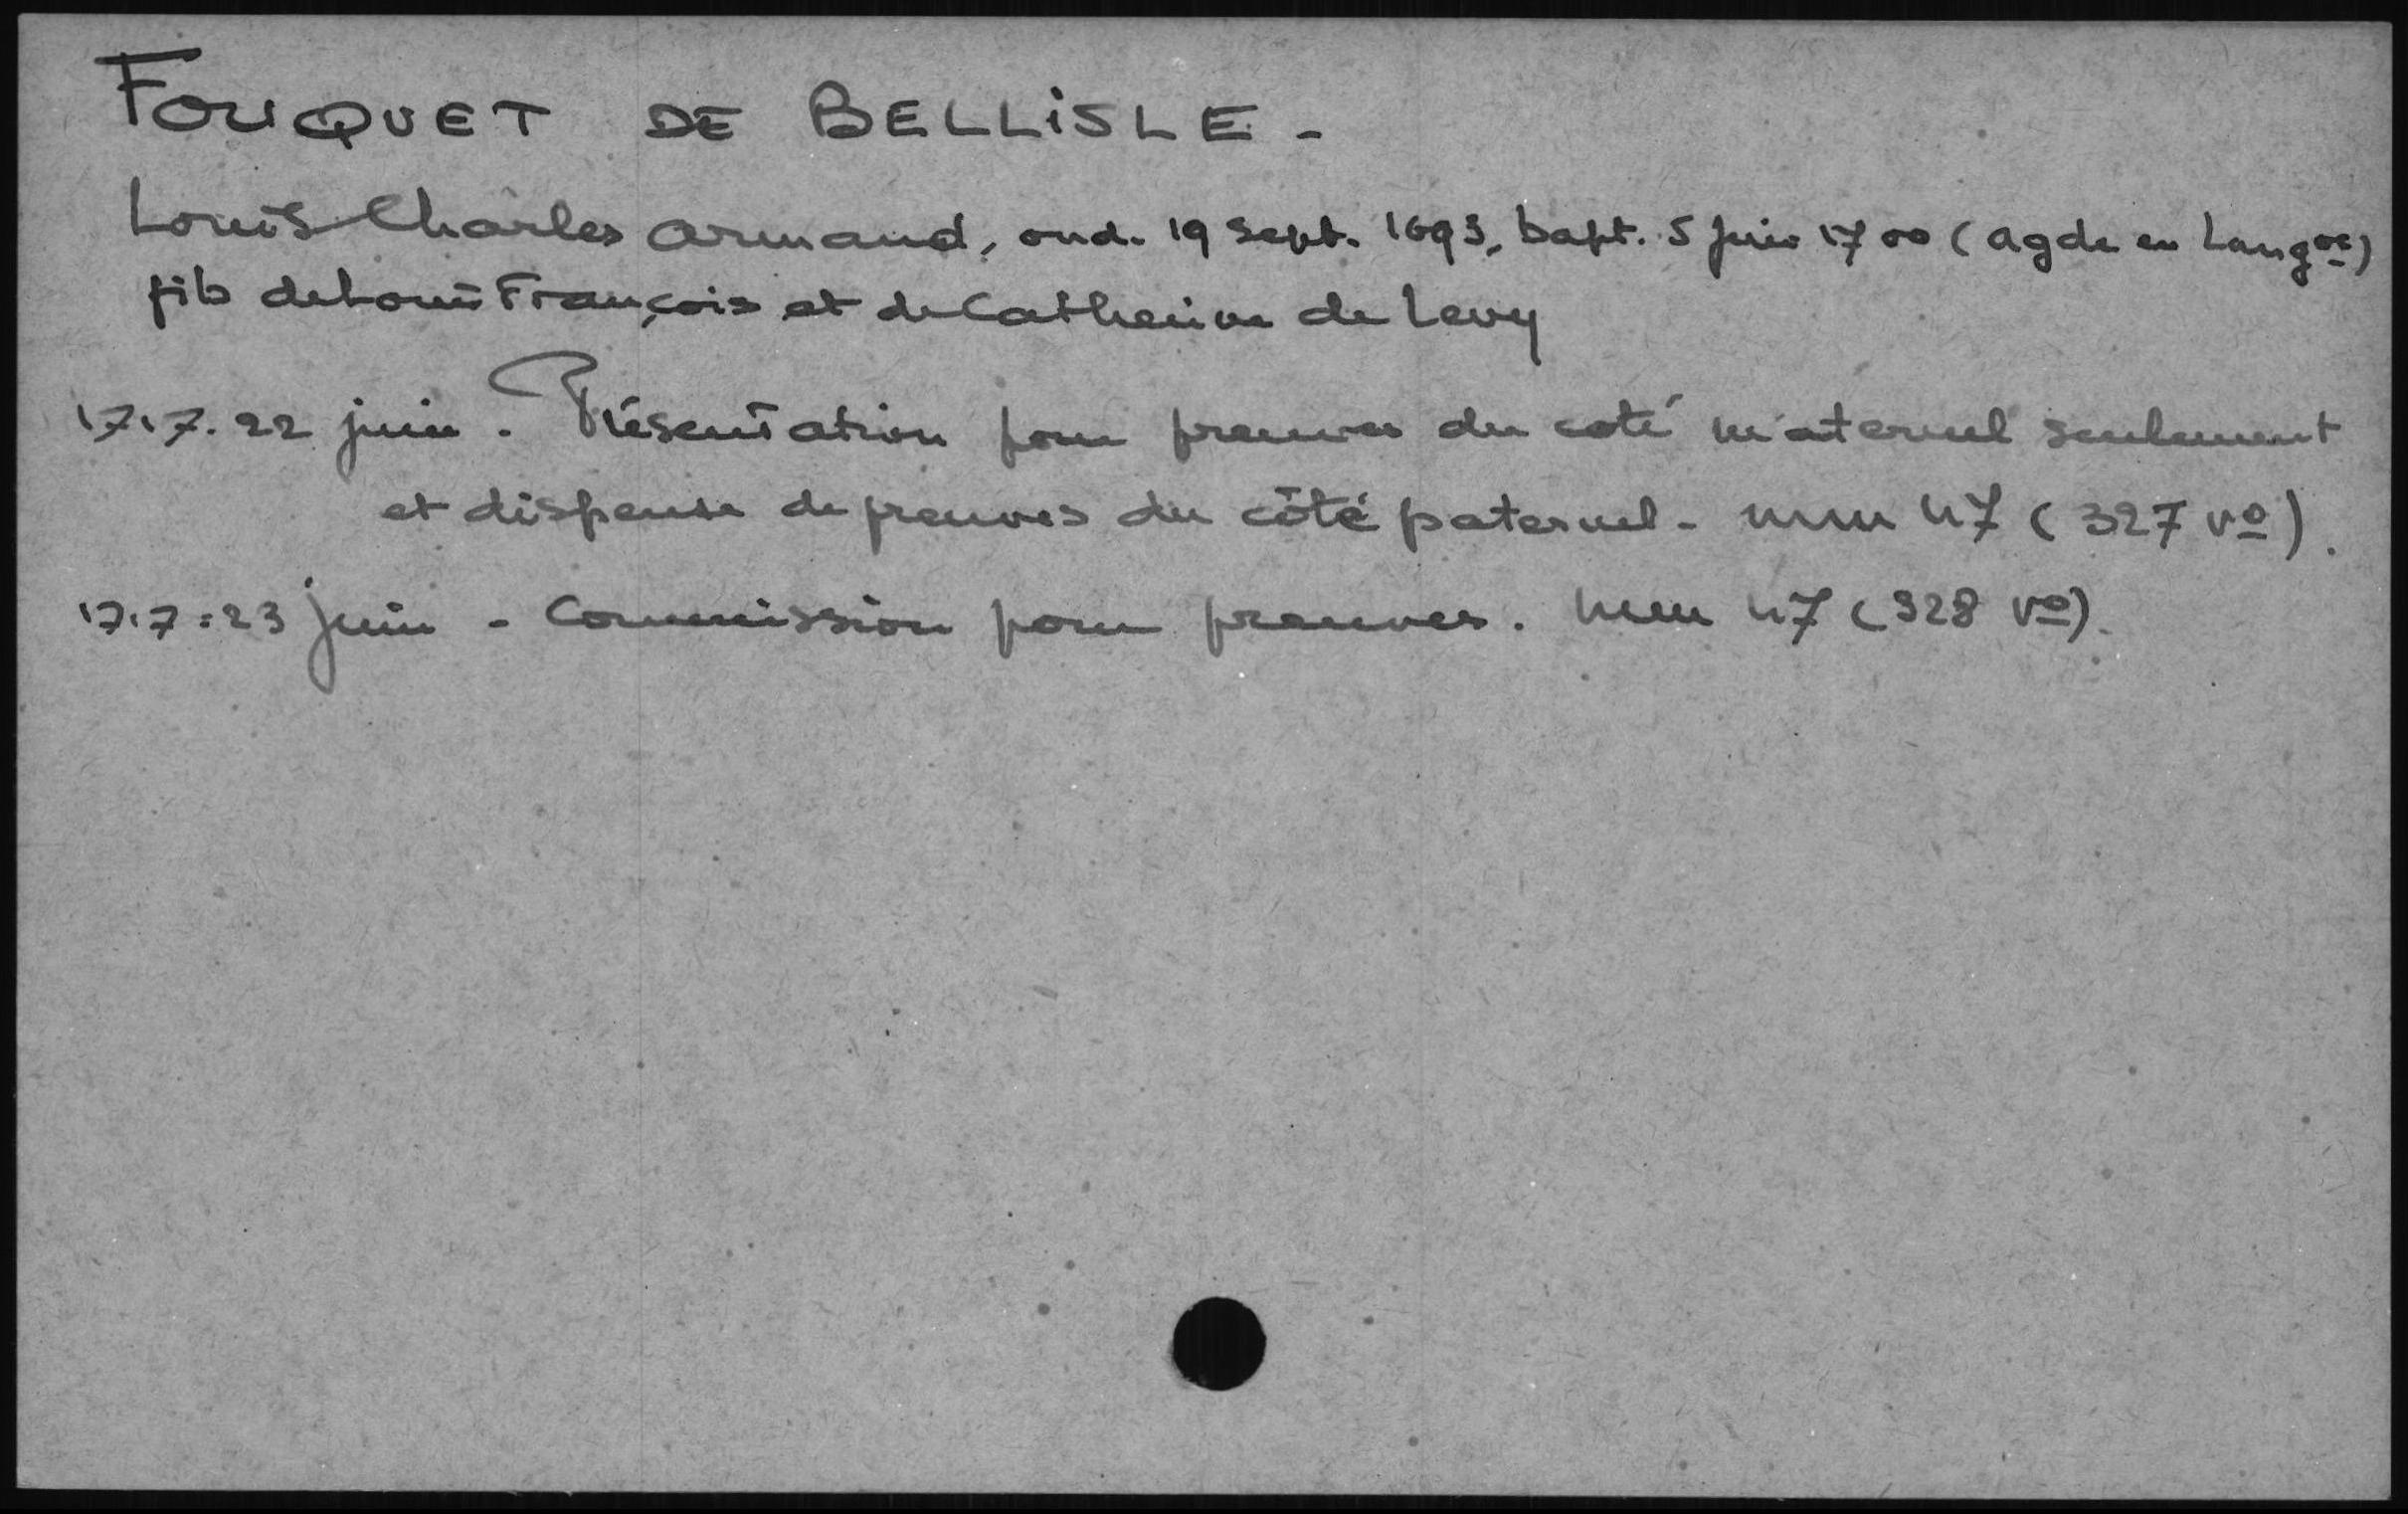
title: FOUQUET DE BELLISLE, Louis Charles Armand, ondoyé 19 septembre 1693, baptisé 5 juin 1700 (Agde en Languedoc) fils de Louis François, et de Catherine de Levy
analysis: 1717, 22 juin. Présentation pour preuves du coté maternel seulement et des dispense de preuves du côté paternel. MM 47 (327v). 1717, 23 juin. Commission pour preuves. MM 47 (328v).
